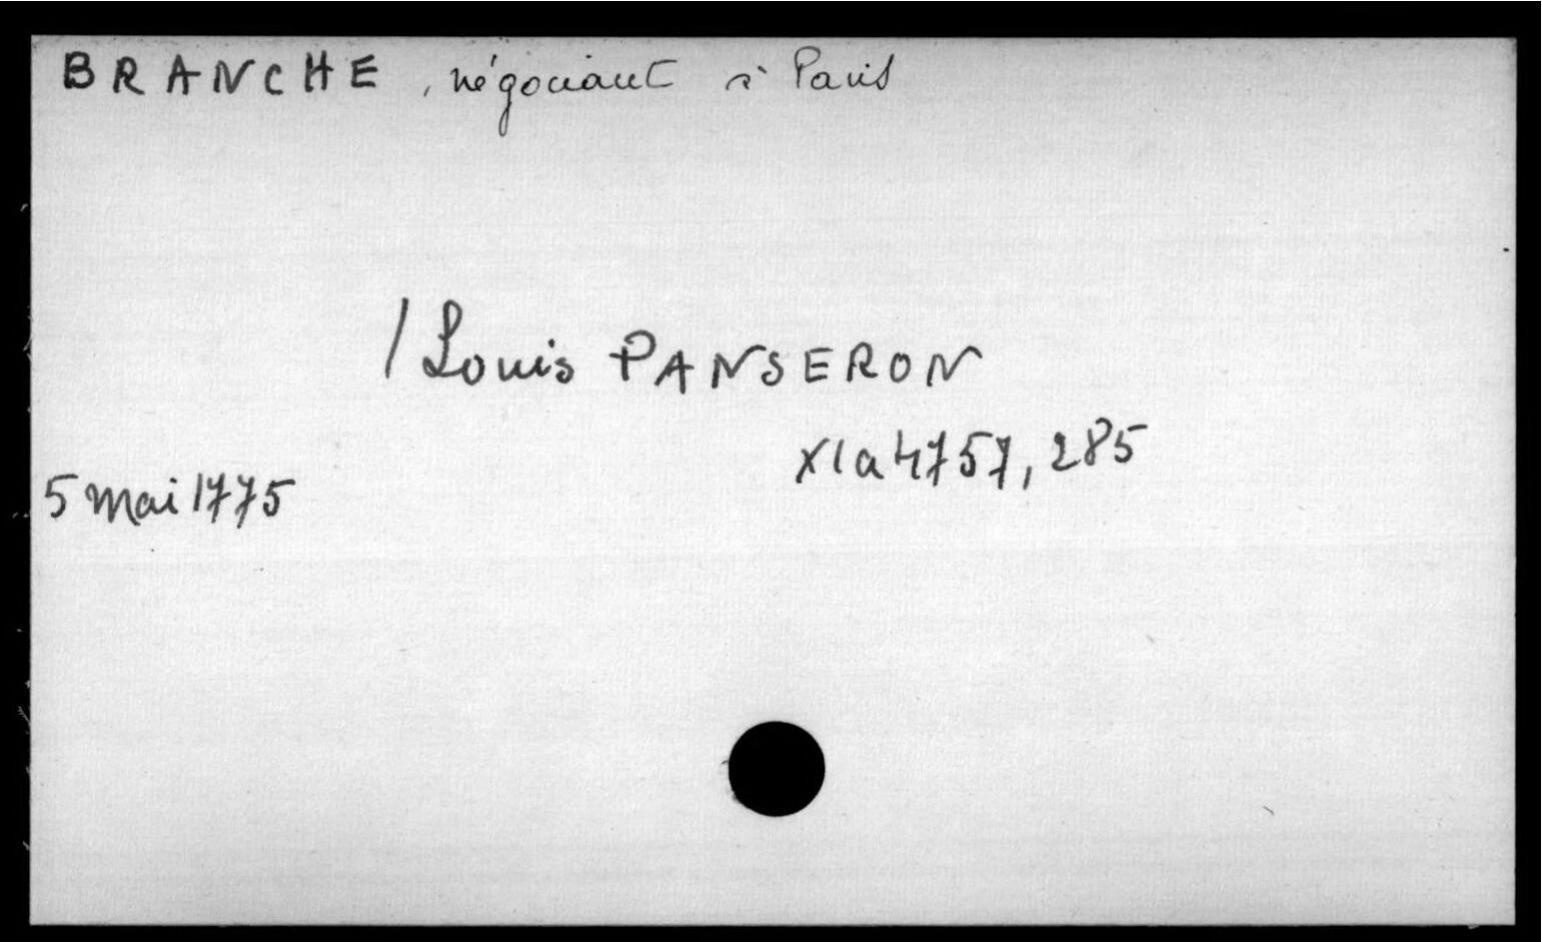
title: BRANCHE, négociant à Paris
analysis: Contre Louis PANSERON
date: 5 mai 1775
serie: X1a
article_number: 4757
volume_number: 285
